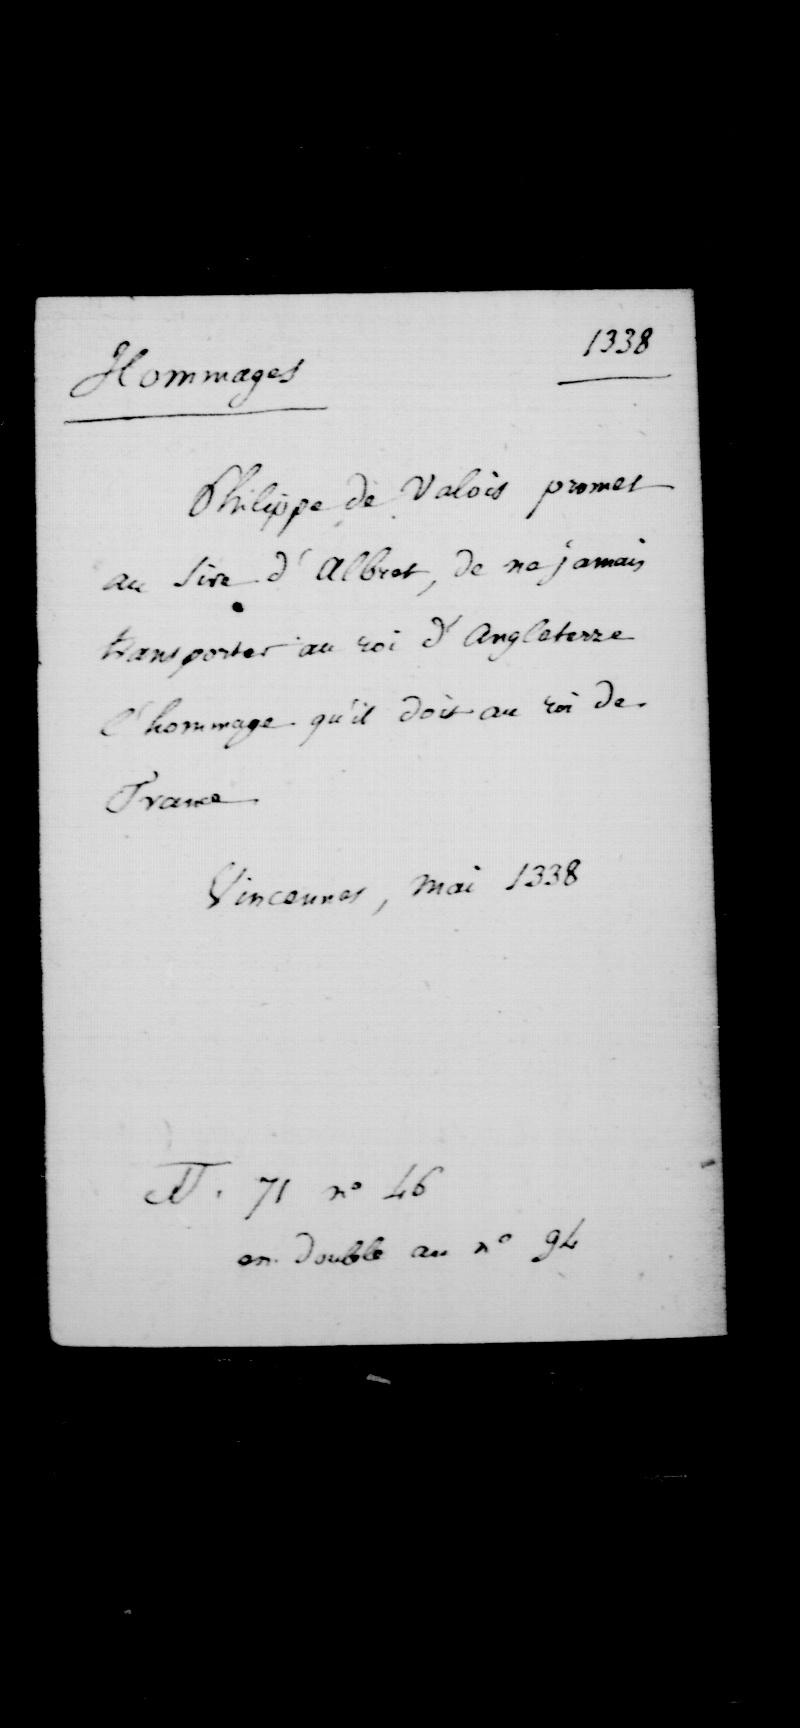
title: Hommages
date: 1338
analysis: Philippe de Valois promet au sire d’Albret, de ne jamais transporter au roi d’Angleterre l’hommage qu’il doit au roi de France Vincennes mai 1338
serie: JJ
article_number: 71
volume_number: n° 46, en double au n° 94
